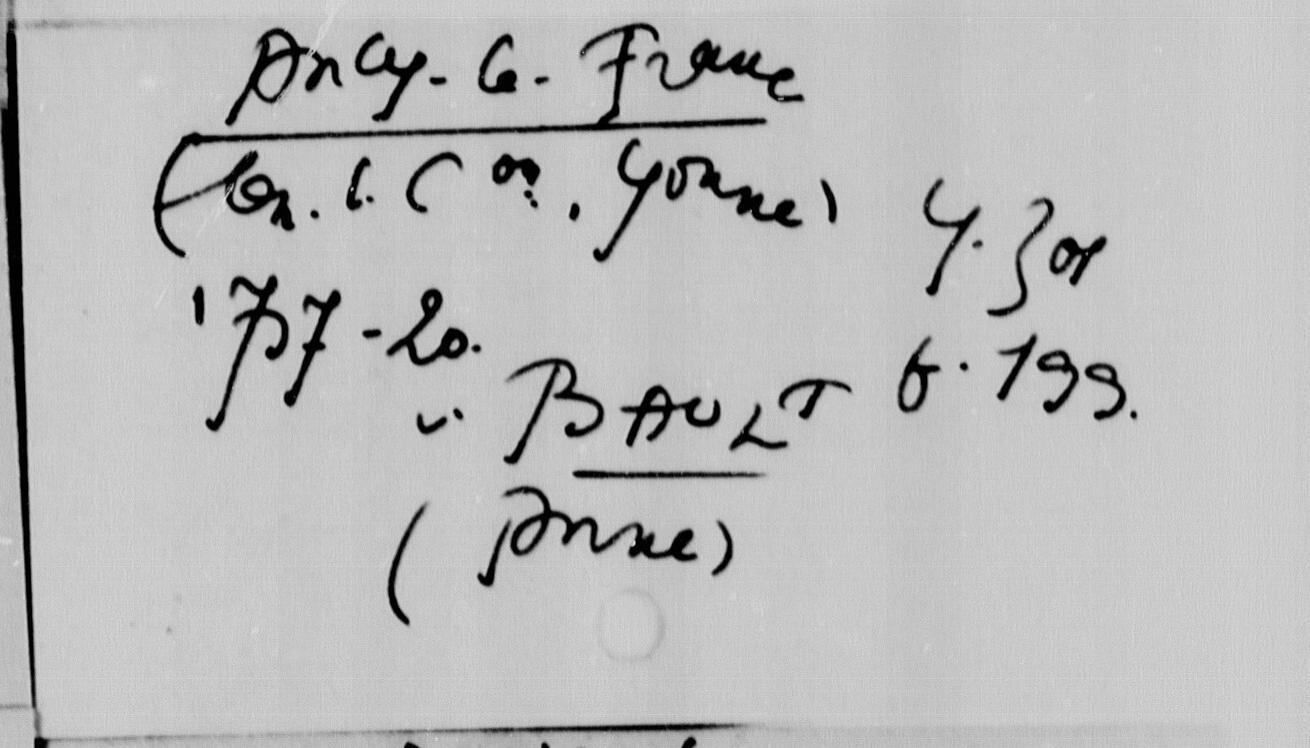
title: ANCY-LE-FRANC (chef-lieu de canton, département de l'Yonne)
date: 1717-1720
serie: Y
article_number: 301
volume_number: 199
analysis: Voir BAULT (Anne)
